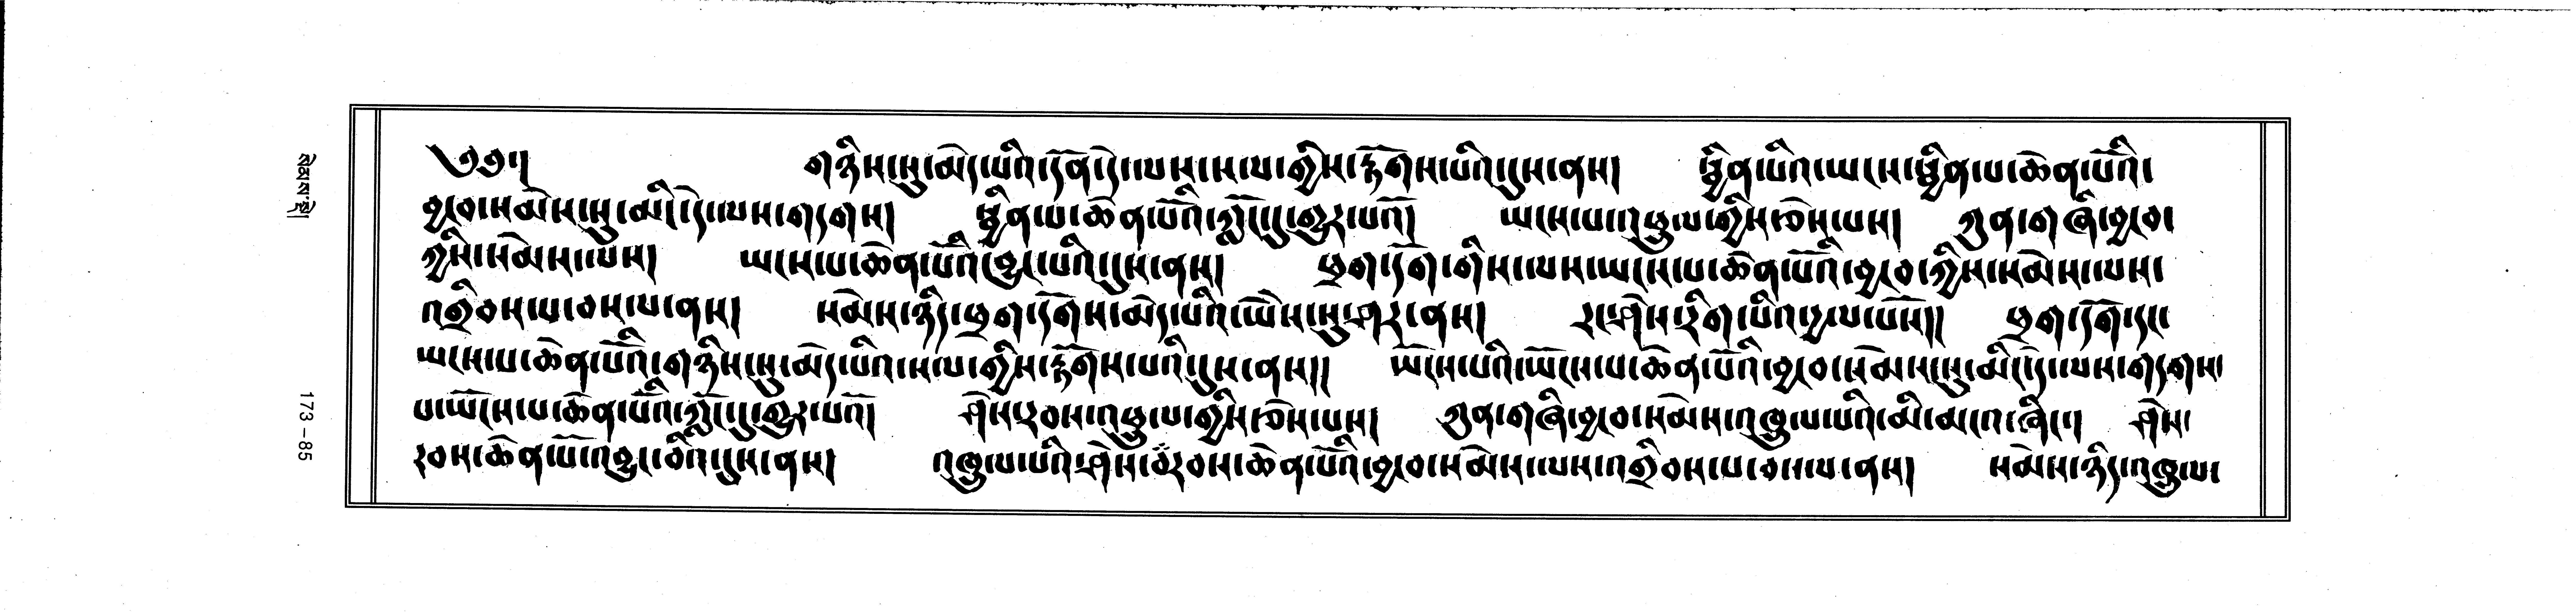གཉིས་སུ་མེད་པའི་དོན་དེ་ལས་སལ་གྱིས་རྟོགས་པའི་དུས་ནས། སྦྱིན་པའི་ཡང་སྦྱིན་པ་ཆེན་པོའི་
བྱང་ཆུབ་སེམས་སུ་མིང་དེ་ལ་གདགས། སྦྱིན་པ་ཆེན་པོའི་ཀློང་དུ་གྱུར་པའོ། །ཡངས་པ་འཕྲུལ་གྱིས་ཅེས་པས། ཀུན་གཞི་བྱང་ཆུབ་
སེམས་ལས། ཡངས་པ་ཆེན་པོ་བྱུང་བའི་དུས་ནས། ཕྲག་དོག་གི་ལས་ཡངས་པ་ཆེན་པོའི་བྱང་ཆུབ་ཀྱི་སེམས་ལས་
འགྲིབ་པ་བསལ་ནས། སེམས་ཉིད་ཕྲག་དོག་མེད་པའི་ཡེ་ཤེས་སུ་ཤར་ནས། རང་ཤེས་རིག་གི་རྒྱལ་པོས། ཕྲག་དོག་དང་
ཡང་ཡངས་པ་ཆེན་པོ་གཉིས་སུ་མེད་པར་སལ་གྱིས་རྟོགས་པའི་དུས་ནས། ཡངས་པའི་ཡངས་པ་ཆེན་པོའི་བྱང་ཆུབ་ཀྱི་སེམས་སུ་མིང་དེ་ལ་གདགས་
ཏེ། ཡངས་པ་ཆེན་པོའི་ཀློང་དུ་གྱུར་པའོ། ། ཤེས་རབ་འཕྲུལ་གྱིས་ཅེས་པས། ཀུན་གཞི་བྱང་ཆུབ་སེམས་འཁྲུལ་པས་མི་མངའ་ཞིང་ཤེས་
རབ་ཆེན་པོ་འབྱུང་བའི་དུས་ནས། འཁྲུལ་པས་ཤེས་རབ་ཆེན་པོའི་བྱང་ཆུབ་སེམས་ལས་འགྲིབ་པ་བསལ་ནས། སེམས་ཉིད་འཁྲུལ་